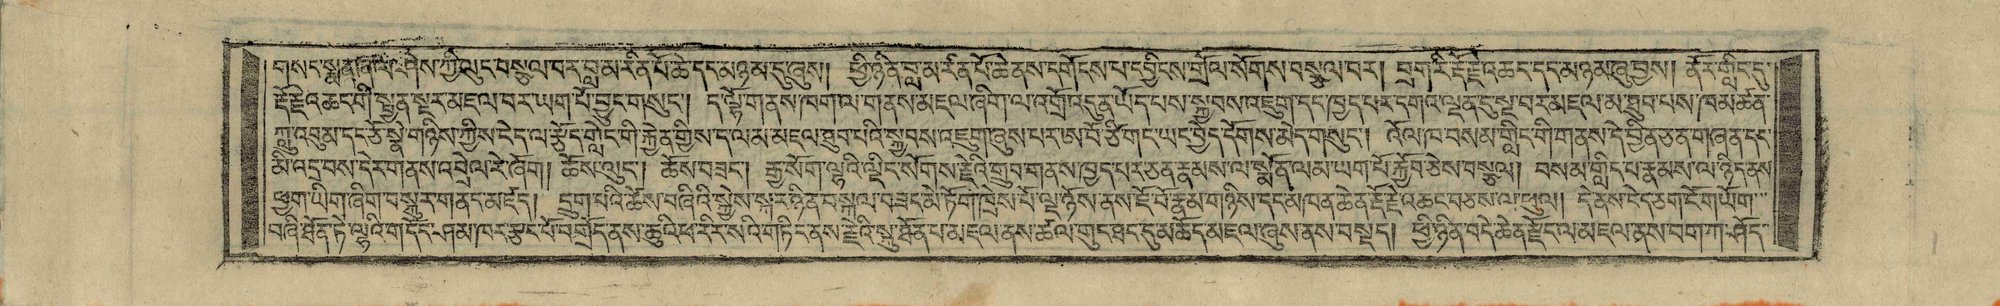གསང་སྨན་ཞལ་ཤེས་ཀྱི་ལུང་བསྩལ་བར་བླ་མ་རིན་པོ་ཆེ་དང་མཉམ་དུ་ཞུས། ཕྱི་ཉིན་བླ་མ་རིན་པོ་ཆེ་ནས་དགོངས་པ་དབྱིངས་གྲོལ་སོགས་བསྩལ་བར། བྲག་རི་རྡོ་རྗེ་འཆང་དང་མཉམ་ཞུ་བྱས། ནོར་གླིང་དུ།
རྡོ་རྗེ་འཆང་གི་སྤྱན་སྔར་མཇལ་བར་ཡག་པོ་བྱུང་གསུང་། ད་ལྷོ་གནས་ཁག་ལ་གནས་མཇལ་ཞིག་ལ་འགྲོ་འདུན་ཡོད་པས་སྐྱབས་འཇུག་དང་ཁྱད་པར་དགའ་ལྡན་དུ་སྔ་བར་མཇལ་མ་ཐུབ་པས་ཁམ་ཚན་
ཀླུ་འབུམ་དང་ཅོ་སྣེ་གཉིས་ཀྱིས་ངེད་ལ་རྩོད་གླེང་གི་རྐྱེན་གྱིས་ད་ལམ་མཇལ་ཐུབ་པའི་སྐྱབས་འཇུག་ཞུས་པར་ཨ་བོ་ཙི་གང་ཡང་བྱེད་དོགས་མེད་གསུང་། འོལ་ཁ་བསམ་གླིང་གི་གནས་དེ་བྱིན་ཅན་གཞན་དང་
མི་འདྲ་བས་དེར་གནས་འབྲེལ་རེ་ཞོག །ཆོས་ལུང་། ཆོས་བཟང་། རྒྱ་སོག་ལྷའི་ལྡིང་སོགས་རྗེའི་གྲུབ་གནས་ཁྱད་པར་ཅན་རྣམས་ལ་སྨོན་ལམ་ཡག་པོ་རྐྱོབ་ཅེས་བསྩལ། བསམ་གླིང་བ་རྣམས་ལ་ཉིད་ནས་
ཕྱག་ཡིག་ཞིག་བསྐུར་གནང་མཛད། དྲུག་པའི་ཚེས་བཞིའི་སྐྱེས་སྐར་ཉིན་བསྐལ་བཟང་མེ་ཏོག་ཁྲེས་པོ་ལྔ་ཉོས་ནས་ཇོ་བོ་རྣམ་གཉིས་དང་མཁན་ཆེན་རྡོ་རྗེ་འཆང་བཅས་ལ་ཕུལ། དེ་ནས་ངེད་ཅག་ངོ་གཡོག་
བཞི་ཐོན་ཏེ་ལྷའི་གདོང་ཤམ་ཁར་རྩང་པོ་བགྲོད་ནས་ཆུའི་ཕ་རིར་སའི་གཏིང་ནས་རྗེའི་སྐུ་ཐོན་པ་མཇལ་ནས་ཚལ་གུང་ཐང་དུ་མཆོད་མཇལ་ཞུས་ནས་བསྡད། ཕྱི་ཉིན་བདེ་ཆེན་རྫོང་ལ་མཇལ་ནས་བག་ཀ་ཤོད་